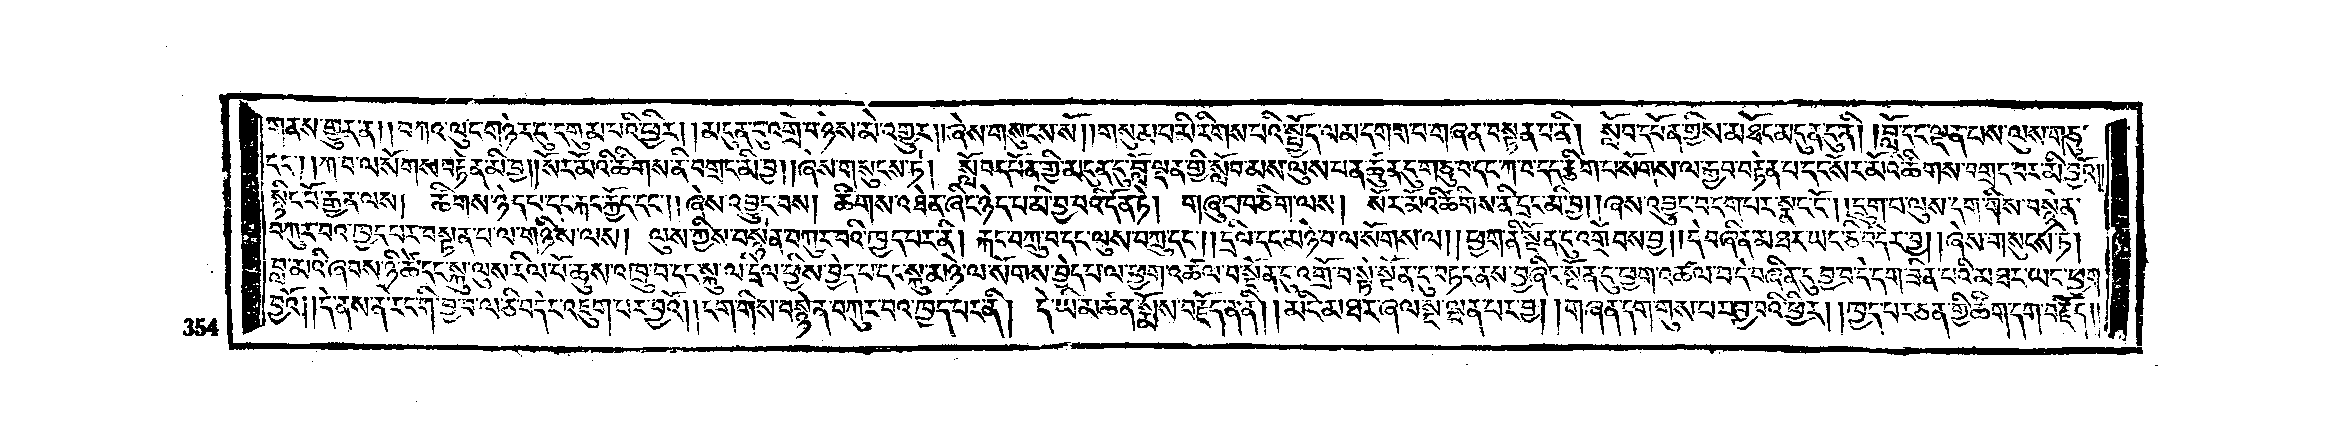གནས་གྱུར་ན། །བཀའ་ལུང་གཉེར་དུ་དགུམ་པའི་ཕྱིར། །མདུན་དུ་འགྲོ་བ་ཉེས་མེ་འགྱུར། །ཞེས་གསུངས་སོ། །གསུམ་པ་མི་རིགས་པའི་སྤྱོད་ལམ་དགག་པ་གཞན་བསྟན་པ་ནི། སློབ་དཔོན་གྱིས་མཐོང་མདུན་དུ་ནི། །བློ་དང་ལྡན་པས་ལུས་བཅུ་
དང་། །ཀ་བ་ལ་སོགས་བརྟེན་མི་བྱ། །སོར་མོའི་ཚིགས་ནི་བགྲང་མི་བྱ། །ཞེས་གསུངས་ཏེ། སློབ་དཔོན་གྱི་མདུན་དུ་བློ་ལྡན་གྱི་སློབ་མས་ལུས་པན་ཚུན་དུ་གཅུ་བ་དང་ཀ་བ་དད་རྩིག་པ་སོགས་ལ་རྒྱབ་བརྟེན་པ་དང་སོར་མོའི་ཚིགས་བགྲང་བར་མི་བྱའོ།།
སྙིང་པོ་རྒྱན་ལས། ཚིགས་ཉེད་པ་དང་རྐང་རྐྱོད་དང་། །ཞེས་འབྱུང་བས། ཚིགས་འཐེན་ཞིང་ཉེད་པ་མི་བྱ་བའི་དོན་ཏེ། གཞུང་ཁ་ཅིག་ལས། སོར་མོའི་ཚིགས་གིས་ནི་དྲང་མི་བྱ། །ཞེས་འབྱུང་བ་དག་པར་སྣང་ངོ། །དྲུག་པ་ལུས་དག་གིས་བསྙེན་
བཀུར་བའི་ཁྱད་པར་བསྟན་པ་ལ་གཉིས་ལས། ལུས་ཀྱིས་བསྙེན་བཀུར་བའི་ཁྱད་པར་ནི། རྐང་བཀྲུ་བ་དང་ལུས་བཀྲུ་དང་། །དྲིལ་དང་མཉེ་བ་ལ་སོགས་ལ། །ཕྱག་ནི་སྔོན་དུ་འགྲོ་བས་བྱ། །དེ་བཞིན་མཐར་ཡང་ཅི་བདེར་བྱ། །ཞེས་གསུངས་ཏེ།
བླ་མའི་ཞབས་ཉི་ཚེ་དང་སྐུ་ལུས་རིལ་པོ་ཆུས་འཁྲུ་བ་དང་སྐུ་ལ་དྲིལ་ཕྱིས་བྱེད་པ་དང་སྐུ་མཉེ་ལ་སོགས་བྱེད་པ་ལ་ཕྱག་འཚལ་བ་སྔོན་དུ་འགྲོ་བ་སྟེ་སྔོན་དུ་བཏང་ནས་བྱ་ཞིང་སྔོན་དུ་ཕྱག་འཚལ་བ་དེ་བཞིན་དུ་བྱ་བ་དེ་དག་ཟིན་པའི་མཐར་ཡང་ཕྱག་
བྱའོ། །དེ་ནས་ནི་རང་གི་བྱ་བ་ལ་ཅི་བདེར་འཇུག་པར་བྱའོ། །ངག་གིས་བསྙེན་བཀུར་བའི་ཁྱད་པར་ནི། དེ་ཡི་མཚན་སྨོས་བརྗོད་ན་ནི། །མིང་མཐར་ཞལ་སྔ་ལྡན་པར་བྱ། །གཞན་དག་གུས་པར་བྱ་བའི་ཕྱིར། །ཁྱད་པར་ཅན་གྱི་ཚིག་དག་བརྗོད།